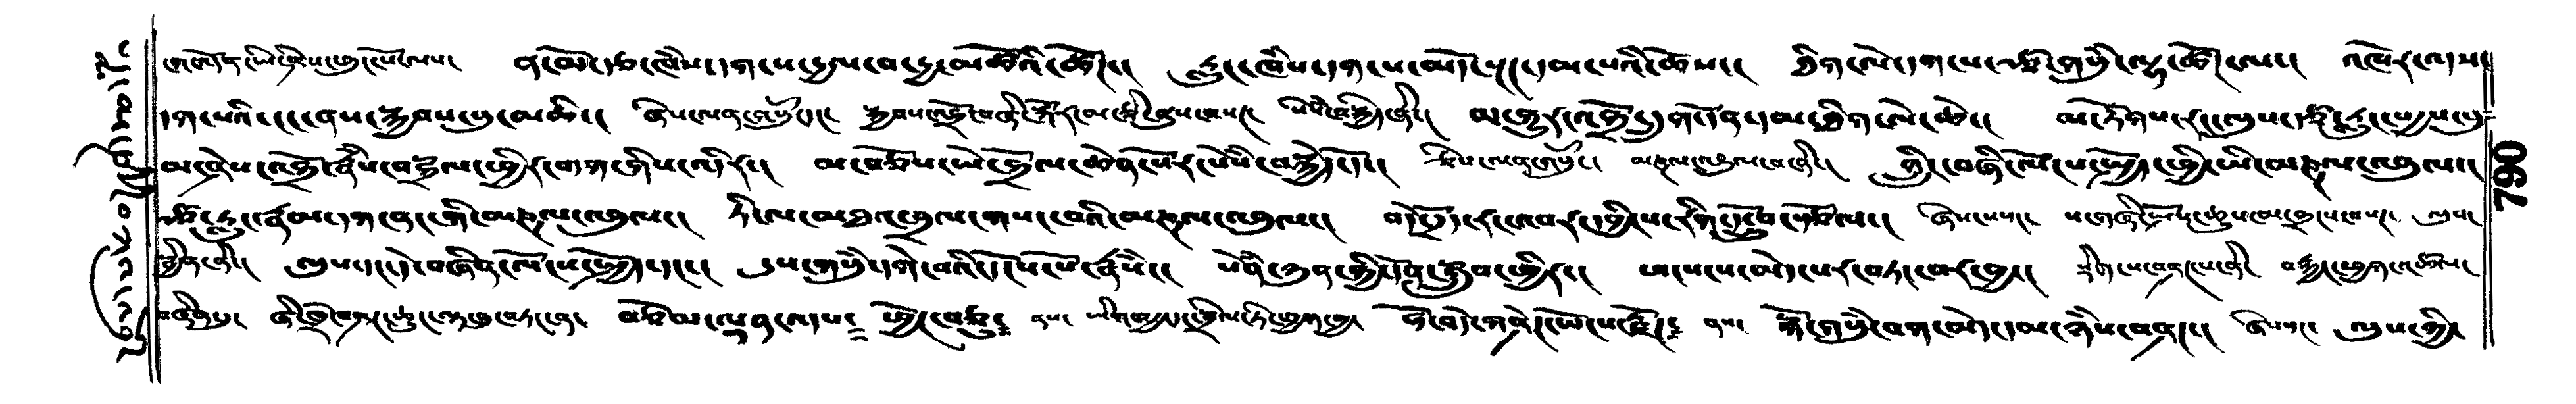ངག་འདོན་ཡེ་ཤེས་ཕུང་པོ་ལས། ན་མོ། རྩ་ཁམས་དག་པ་རྒྱལ་བརྒྱ་མཚོའི་ཚོགས། །རླུང་ཁམས་དག་པ་མདོ་སྔགས་དམ་པའི་ཆོས། །ཐིག་ལེ་དག་པ་རྩ་གསུམ་ལྷ་ཚོགས་ལ། །འཁོར་འདས་
དག་པའི་ངང་ནས་སྐྱབས་སུ་མཆི། ཞེས་ལན་གསུམ་དང་། སྐྱབས་འགྲོ་བཞི་སྐོར་མ་ཅི་ནུས་བསགས། སེམས་བསྐྱེད་ནི། །མ་གྱུར་འགྲོ་དྲུག་དོན་དམ་ཐིག་ལེ་ཆེ། མ་རྟོགས་རང་ལུས་རྩ་རླུང་སངས་རྒྱས་སུ། །
མ་ཤེས་འགྲོ་རྣམས་བསྒྲལ་ཕྱིར་བདག་གིས་འདིར། མ་བཅོས་ཡེ་གྲོལ་ཆེན་པོར་སེམས་བསྐྱེད་དོ། ཅེས་ལན་གསུམ། མཎྜལ་འབུལ་བ་ནི། གླིང་བཞི་ལོངས་སྤྱོད་ཕྱི་ཡི་མཎྜལ་འབུལ། །
རྩ་རླུང་རྣམ་དག་ནང་གི་མཎྜལ་འབུལ། ཏིང་གསལ་མཐའ་བྲལ་གསང་བའི་མཎྜལ་འབུལ། །བེད་དྲོད་རང་འབར་དབྱིངས་རིག་དངོས་གྲུབ་སྩོལ། ཞེས་པ་དང་། ས་གཞི་སྤོས་ཆུ་མ་གྲངས་གསོག ལུས་
སྦྱིན་ནི། ལུས་དང་དེ་བཞིན་ལོངས་སྤྱོད་དང་། །དུས་གསུམ་དགེ་བའི་དངོས་པོ་རྣམས། །སེམས་ཅན་ཀུན་གྱི་དོན་སྒྲུབ་ཕྱིར། །ཕངས་མེད་པར་བཏང་བར་བྱ། སྡིག་པ་བཤགས་པ་ནི། བརྐྱངས་ཕྱག་འཚལ་
བཞིན་དུ། ཞི་ཁྲོ་བཤགས་ཆུང་ལྟ་བུ་བཏང་ན། བཅོམ་ལྡན་འདས༴ ཕྱོགས་བཅུ༴ ནས།ཡིག་བརྒྱ་དང་སྦྲེལ་ཏེ་ཕྱག་བརྒྱ། ཧོ། བདེ་གཤེགས་ཡོངས་རྫོགས༴ ནས། སྒོ་གསུམ་བག་མེད་དམ་ཉམས་བཤགས། ཞེས་དང་། ལུས་ཀྱི་